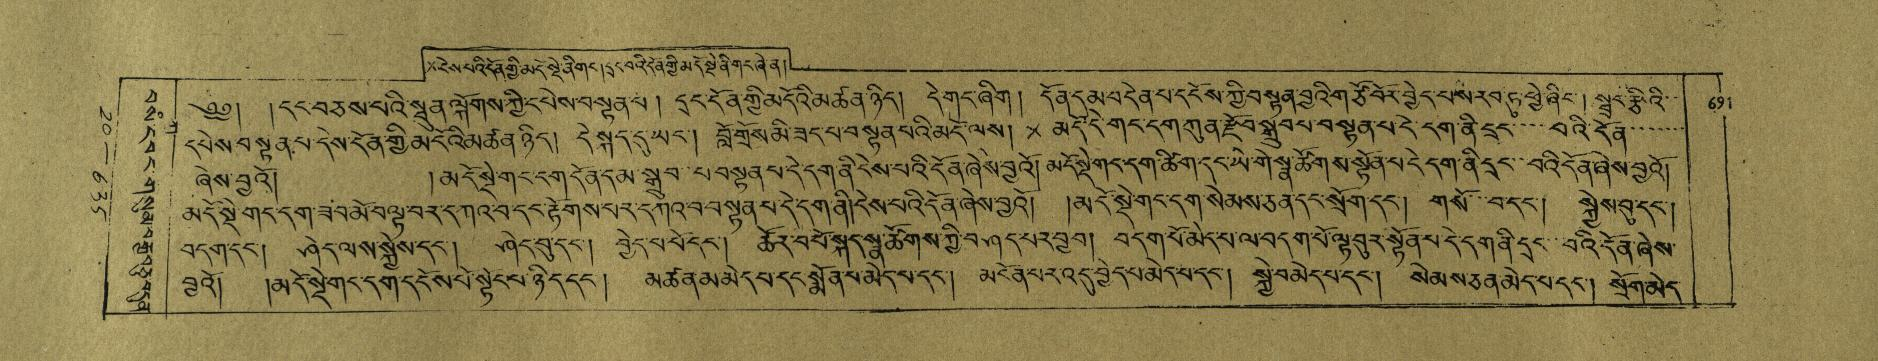༄༅། །དང་བཅས་པའི་སྦུན་ལྐོགས་ཀྱི་དཔེས་བསྟན་པ། དྲང་དོན་གྱི་མདོའི་མཚན་ཉིད། དེ་གང་ཞིག། དོན་དམ་བདེན་པ་དངོས་ཀྱི་བསྟན་བྱའི་གཙོ་བོར་བྱེད་པས་རབ་ཏུ་ཕྱེ་ཞིང་། སྦྲང་རྩིའི་
དཔེས་བསྟན་པ་དེས་དོན་གྱི་མདོའི་མཚན་ཉིད། དེ་སྐད་དུ་ཡང་། བློ་གྲོས་མི་ཟད་པ་བསྟན་པའི་མདོ་ལས། ངེས་པའི་དོན་གྱི་མདོ་སྡེ་ནི་གང་།དྲང་བའི་དོན་གྱི་མདོ་སྡེ་ནི་གང་ཞེ་ན།  མདོ་དེ་གང་དག་ཀུན་རྫོབ་སྒྲུབ་པ་བསྟན་པ་དེ་དག་ནི་དྲང་བའི་དོན་
ཞེས་བྱའོ། །མདོ་སྡེ་གང་དག་དོན་དམ་སྒྲུབ་པ་བསྟན་པ་དེ་དག་ནི་ངེས་པའི་དོན་ཞེས་བྱའོ། མདོ་སྡེ་གང་དག་ཚིག་དང་ཡི་གེ་སྣ་ཚོགས་སྟོན་པ་དེ་དག་ནི་དྲང་བའི་དོན་ཞེས་བྱའོ།
མདོ་སྡེ་གང་དག་ཟབ་མོ་བལྟ་བར་དཀའ་བ་དང་རྟོགས་པར་དཀའ་བ་བསྟན་པ་དེ་དག་ནི། ངེས་པའི་དོན་ཞེས་བྱའོ། །མདོ་སྡེ་གང་དག་སེམས་ཅན་དང་སྲོག་དང་། གསོ་བ་དང་། སྐྱེས་བུ་དང་།
བདག་དང་། ཤེད་ལས་སྐྱེས་དང་། ཤེད་བུ་དང་། བྱེད་པ་པོ་དང་། ཚོར་བ་པོ་སྐད་སྣ་ཚོགས་ཀྱི་བཤད་པར་བྱ་བ། བདག་པོ་མེད་པ་ལ་བདག་པོ་ལྟ་བུར་སྟོན་པ་དེ་དག་ནི་དྲང་བའི་དོན་ཞེས་
བྱའོ། །མདོ་སྡེ་གང་དག་དངོས་པོ་སྟོང་པ་ཉིད་དང་། མཚན་མ་མེད་པ་དང་སྨོན་པ་མེད་པ་དང་། མངོན་པར་འདུ་བྱེད་པ་མེད་པ་དང་། སྐྱེ་བ་མེད་པ་དང་། སེམས་ཅན་མེད་པ་དང་། སྲོག་མེད་